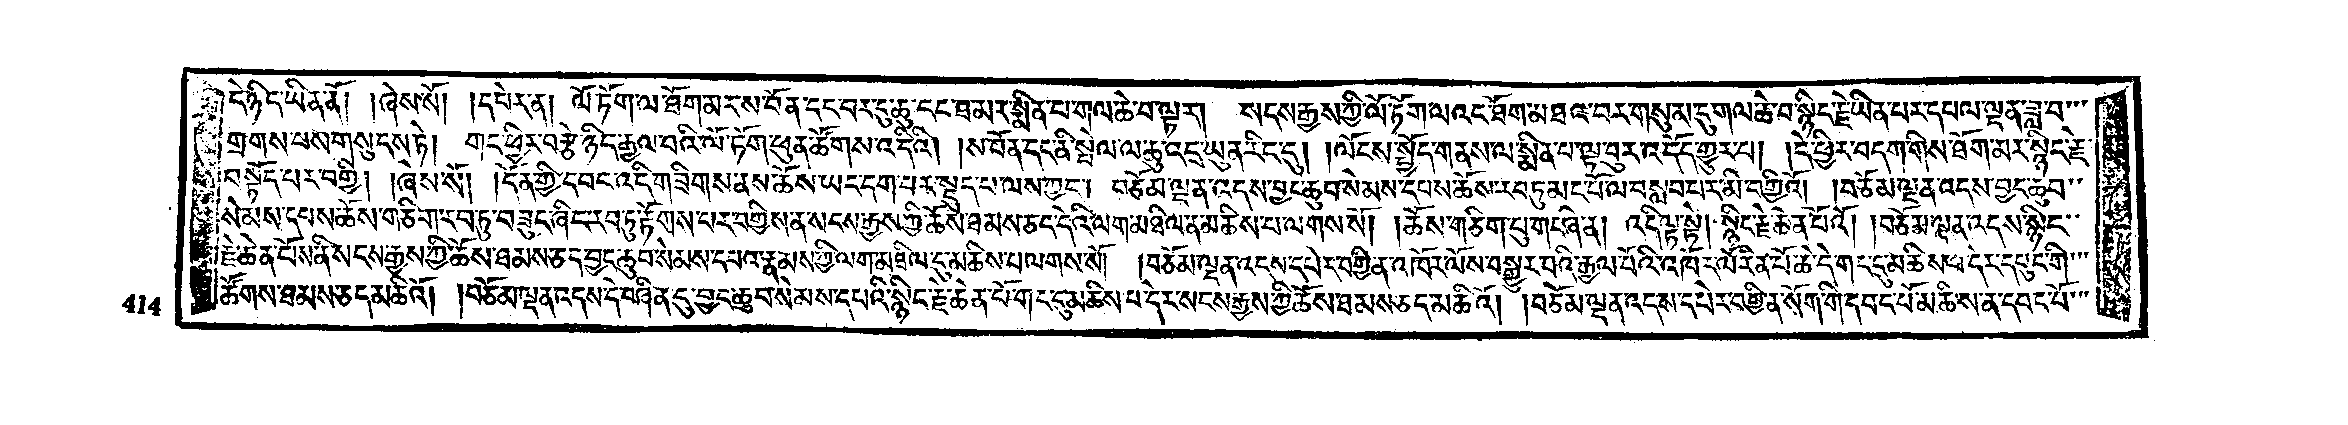དེ་ཉིད་ཡིན་ནོ། །ཞེས་སོ། །དཔེར་ན། ལོ་ཏོག་ལ་ཐོག་མར་ས་བོན་དང་བར་དུ་ཆུ་དང་ཐ་མར་སྨིན་པ་གལ་ཆེ་བ་ལྟར། སངས་རྒྱས་ཀྱི་ལོ་ཏོག་ལའང་ཐོག་མཐའ་བར་གསུམ་དུ་གལ་ཆེ་བ་སྙིང་རྗེ་ཡིན་པར་དཔལ་ལྡན་ཟླ་བ་
གྲགས་པས་གསུངས་ཏེ། གང་ཕྱིར་བརྩེ་ཉིད་རྒྱལ་བའི་ལོ་ཏོག་ཕུན་ཚོགས་འདིའི། །ས་བོན་དང་ནི་སྤེལ་ལ་ཆུ་འདྲ་ཡུན་རིང་དུ། །ལོངས་སྤྱོད་གནས་ལ་སྨིན་པ་ལྟ་བུར་འདོད་གྱུར་པ། །དེ་ཕྱིར་བདག་གིས་ཐོག་མར་སྙིང་རྗེ་
བསྟོད་པར་བགྱི། །ཞེས་སོ། །དོན་གྱི་དབང་འདི་གཟིགས་ནས་ཆོས་ཡང་དག་པར་སྡུད་པ་ལས་ཀྱང་། བཅོམ་ལྡན་འདས་བྱང་ཆུབ་སེམས་དཔས་ཆོས་རབ་ཏུ་མང་པོ་ལ་བསླབ་པར་མི་བགྱིའོ། །བཅོམ་ལྡན་འདས་བྱང་ཆུབ་
སེམས་དཔས་ཆོས་གཅིག་རབ་ཏུ་བཟུང་ཞིང་རབ་ཏུ་རྟོགས་པར་བགྱིས་ན་སངས་རྒྱས་ཀྱི་ཆོས་ཐམས་ཅད་དེའི་ལག་མཐིལ་ན་མཆིས་པ་ལགས་སོ། །ཆོས་གཅིག་པུ་གང་ཞེ་ན། འདི་ལྟ་སྟེ། སྙིང་རྗེ་ཆེན་པོའོ། །བཅོམ་ལྡན་འདས་སྙིང་
རྗེ་ཆེན་པོས་ནི་སངས་རྒྱས་ཀྱི་ཆོས་ཐམས་ཅད་བྱང་ཆུབ་སེམས་དཔའ་རྣམས་ཀྱི་ལག་མཐིལ་དུ་མཆིས་པ་ལགས་སོ། །བཅོམ་ལྡན་འདས་དཔེར་བགྱི་ན་འཁོར་ལོས་བསྒྱུར་བའི་རྒྱལ་པོའི་འཁོར་ལོ་རིན་པོ་ཆེ་དེ་གང་དུ་མཆིས་པ་དེར་དཔུང་གི་
ཚོགས་ཐམས་ཅད་མཆིའོ། །བཅོམ་ལྡན་འདས་དེ་བཞིན་དུ་བྱང་ཆུབ་སེམས་དཔའི་སྙིང་རྗེ་ཆེན་པོ་གང་དུ་མཆིས་བ་དེར་སངས་རྒྱས་ཀྱི་ཆོས་ཐམས་ཅད་མཆིའོ། །བཅོམ་ལྡན་འདས་དཔེར་བགྱི་ན་སྲོག་གི་དབང་པོ་མཆིས་ན་དབང་པོ་